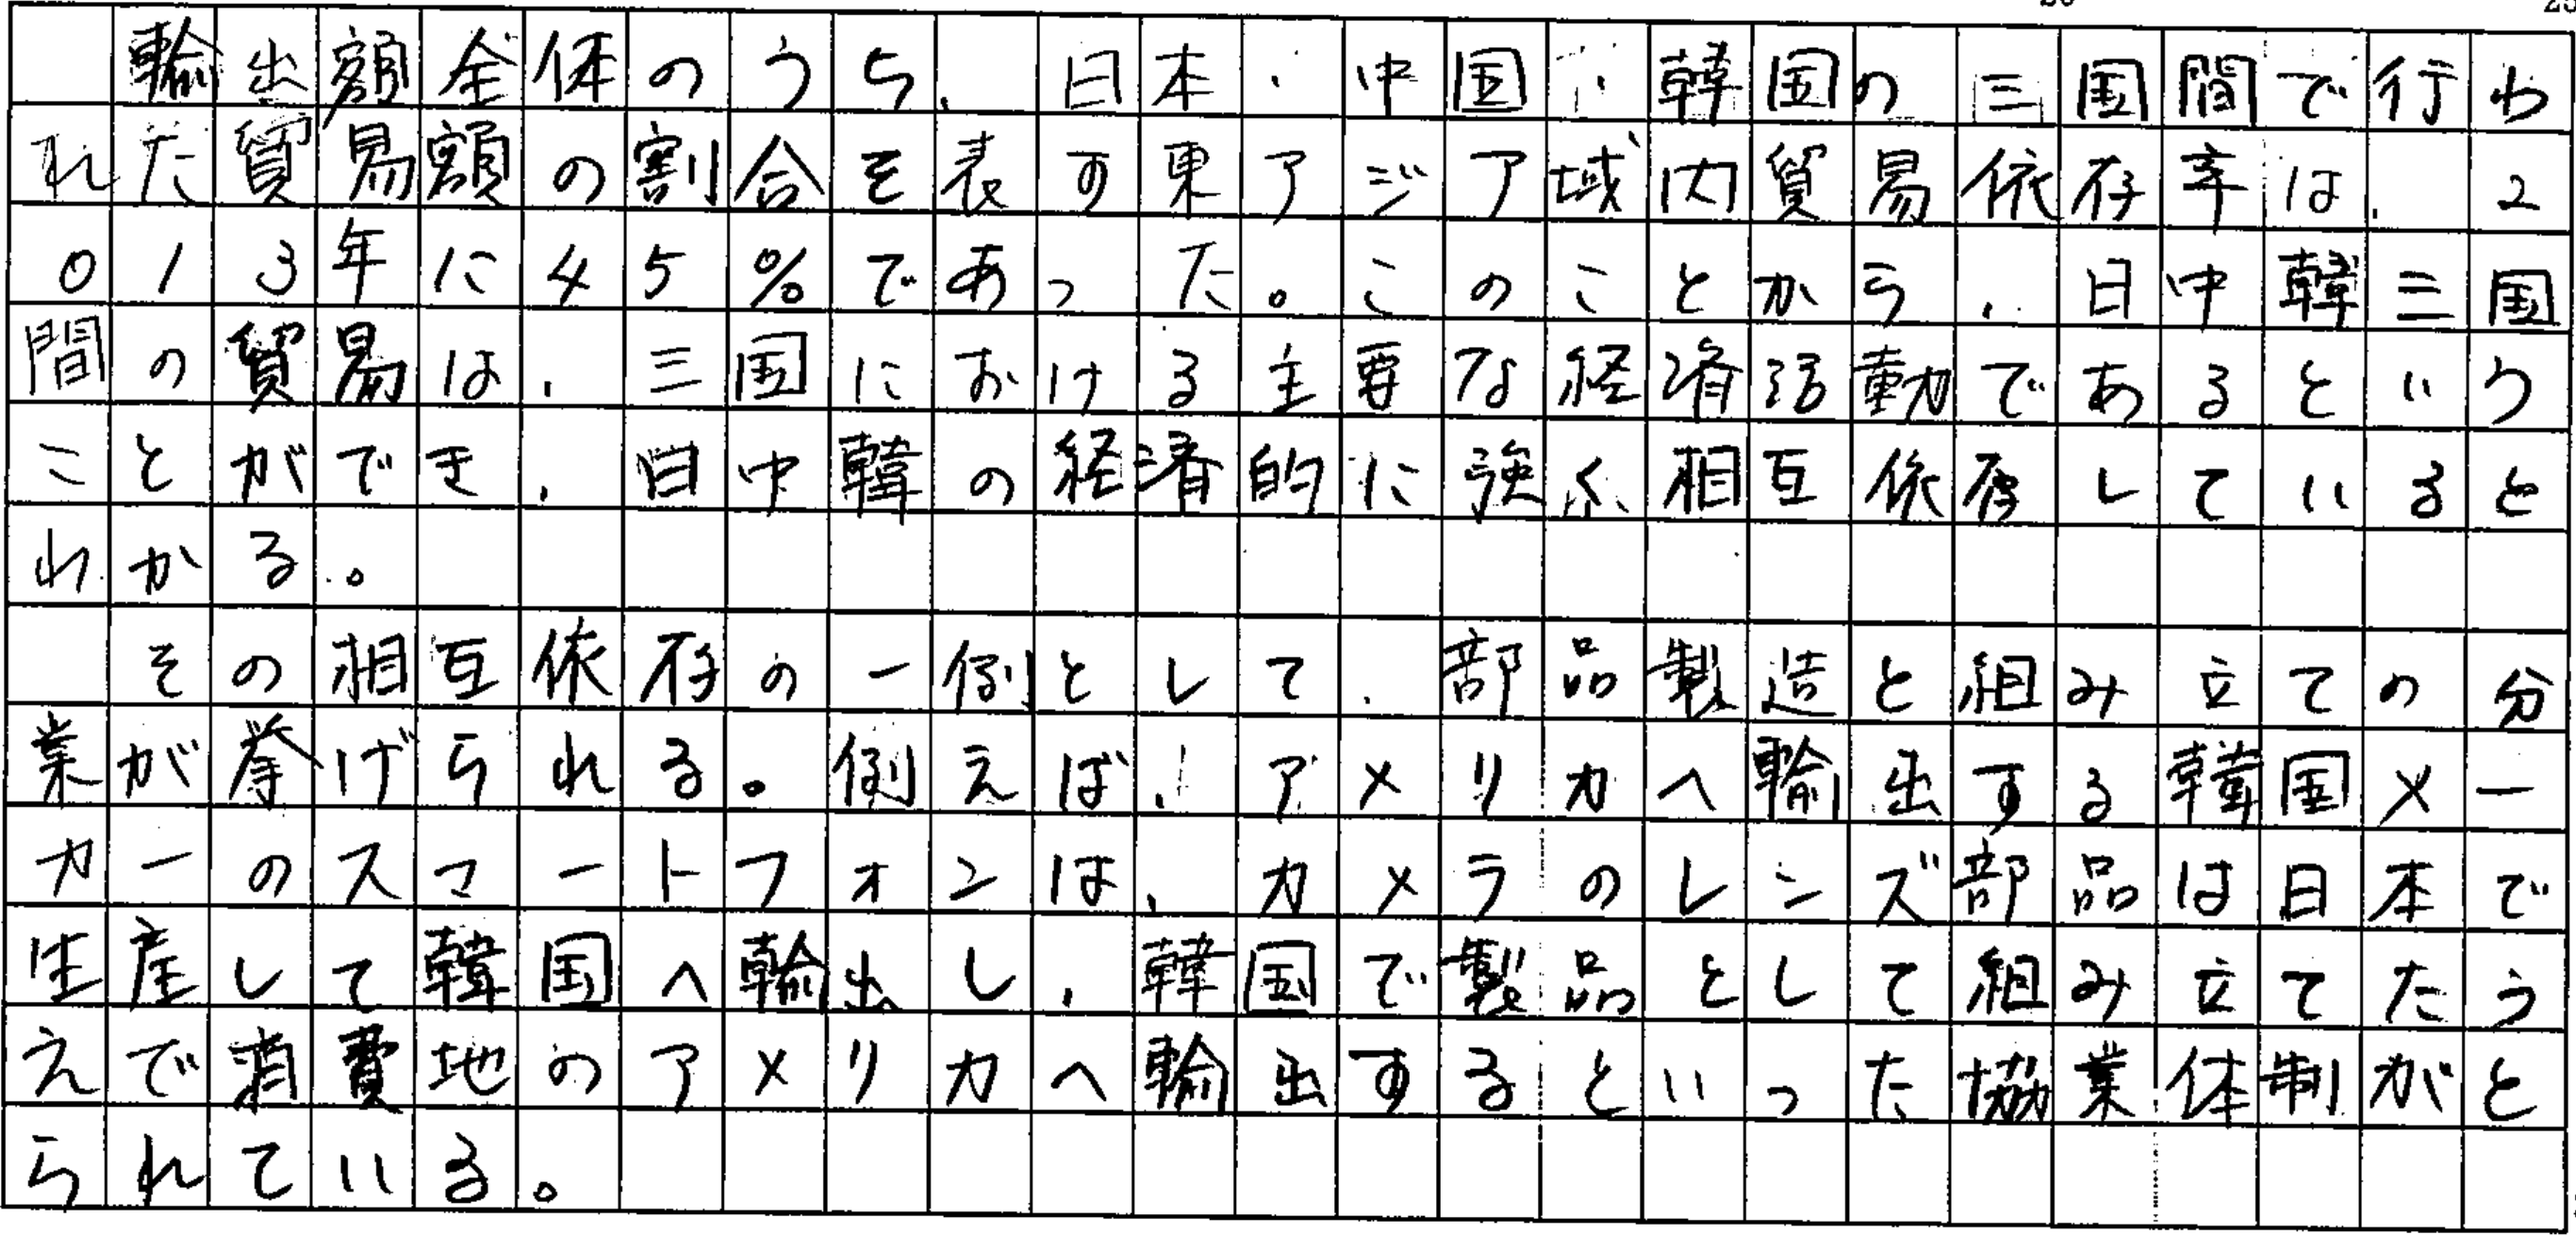　輸出額全体のうち、日本・中国・韓国の三国間で行われた貿易額の割合を表す東アジア域内貿易依存率は、２０１３年に４５％であった。このことから，日中韓三国間の貿易は，三国における主要な経済活動であるということができ，日中韓の経済的に強く相互依存しているとわかる。
　その相互依存の一例として、部品製造と組み立ての分業が挙げられる。例えば、アメリカへ輸出する韓国メーカーのスマートフォンは、カメラのレンズ部品は日本で生産して韓国へ輸出し，韓国で製品として組み立てたうえで消費地のアメリカへ輸出するといった協業体制がとられている。
